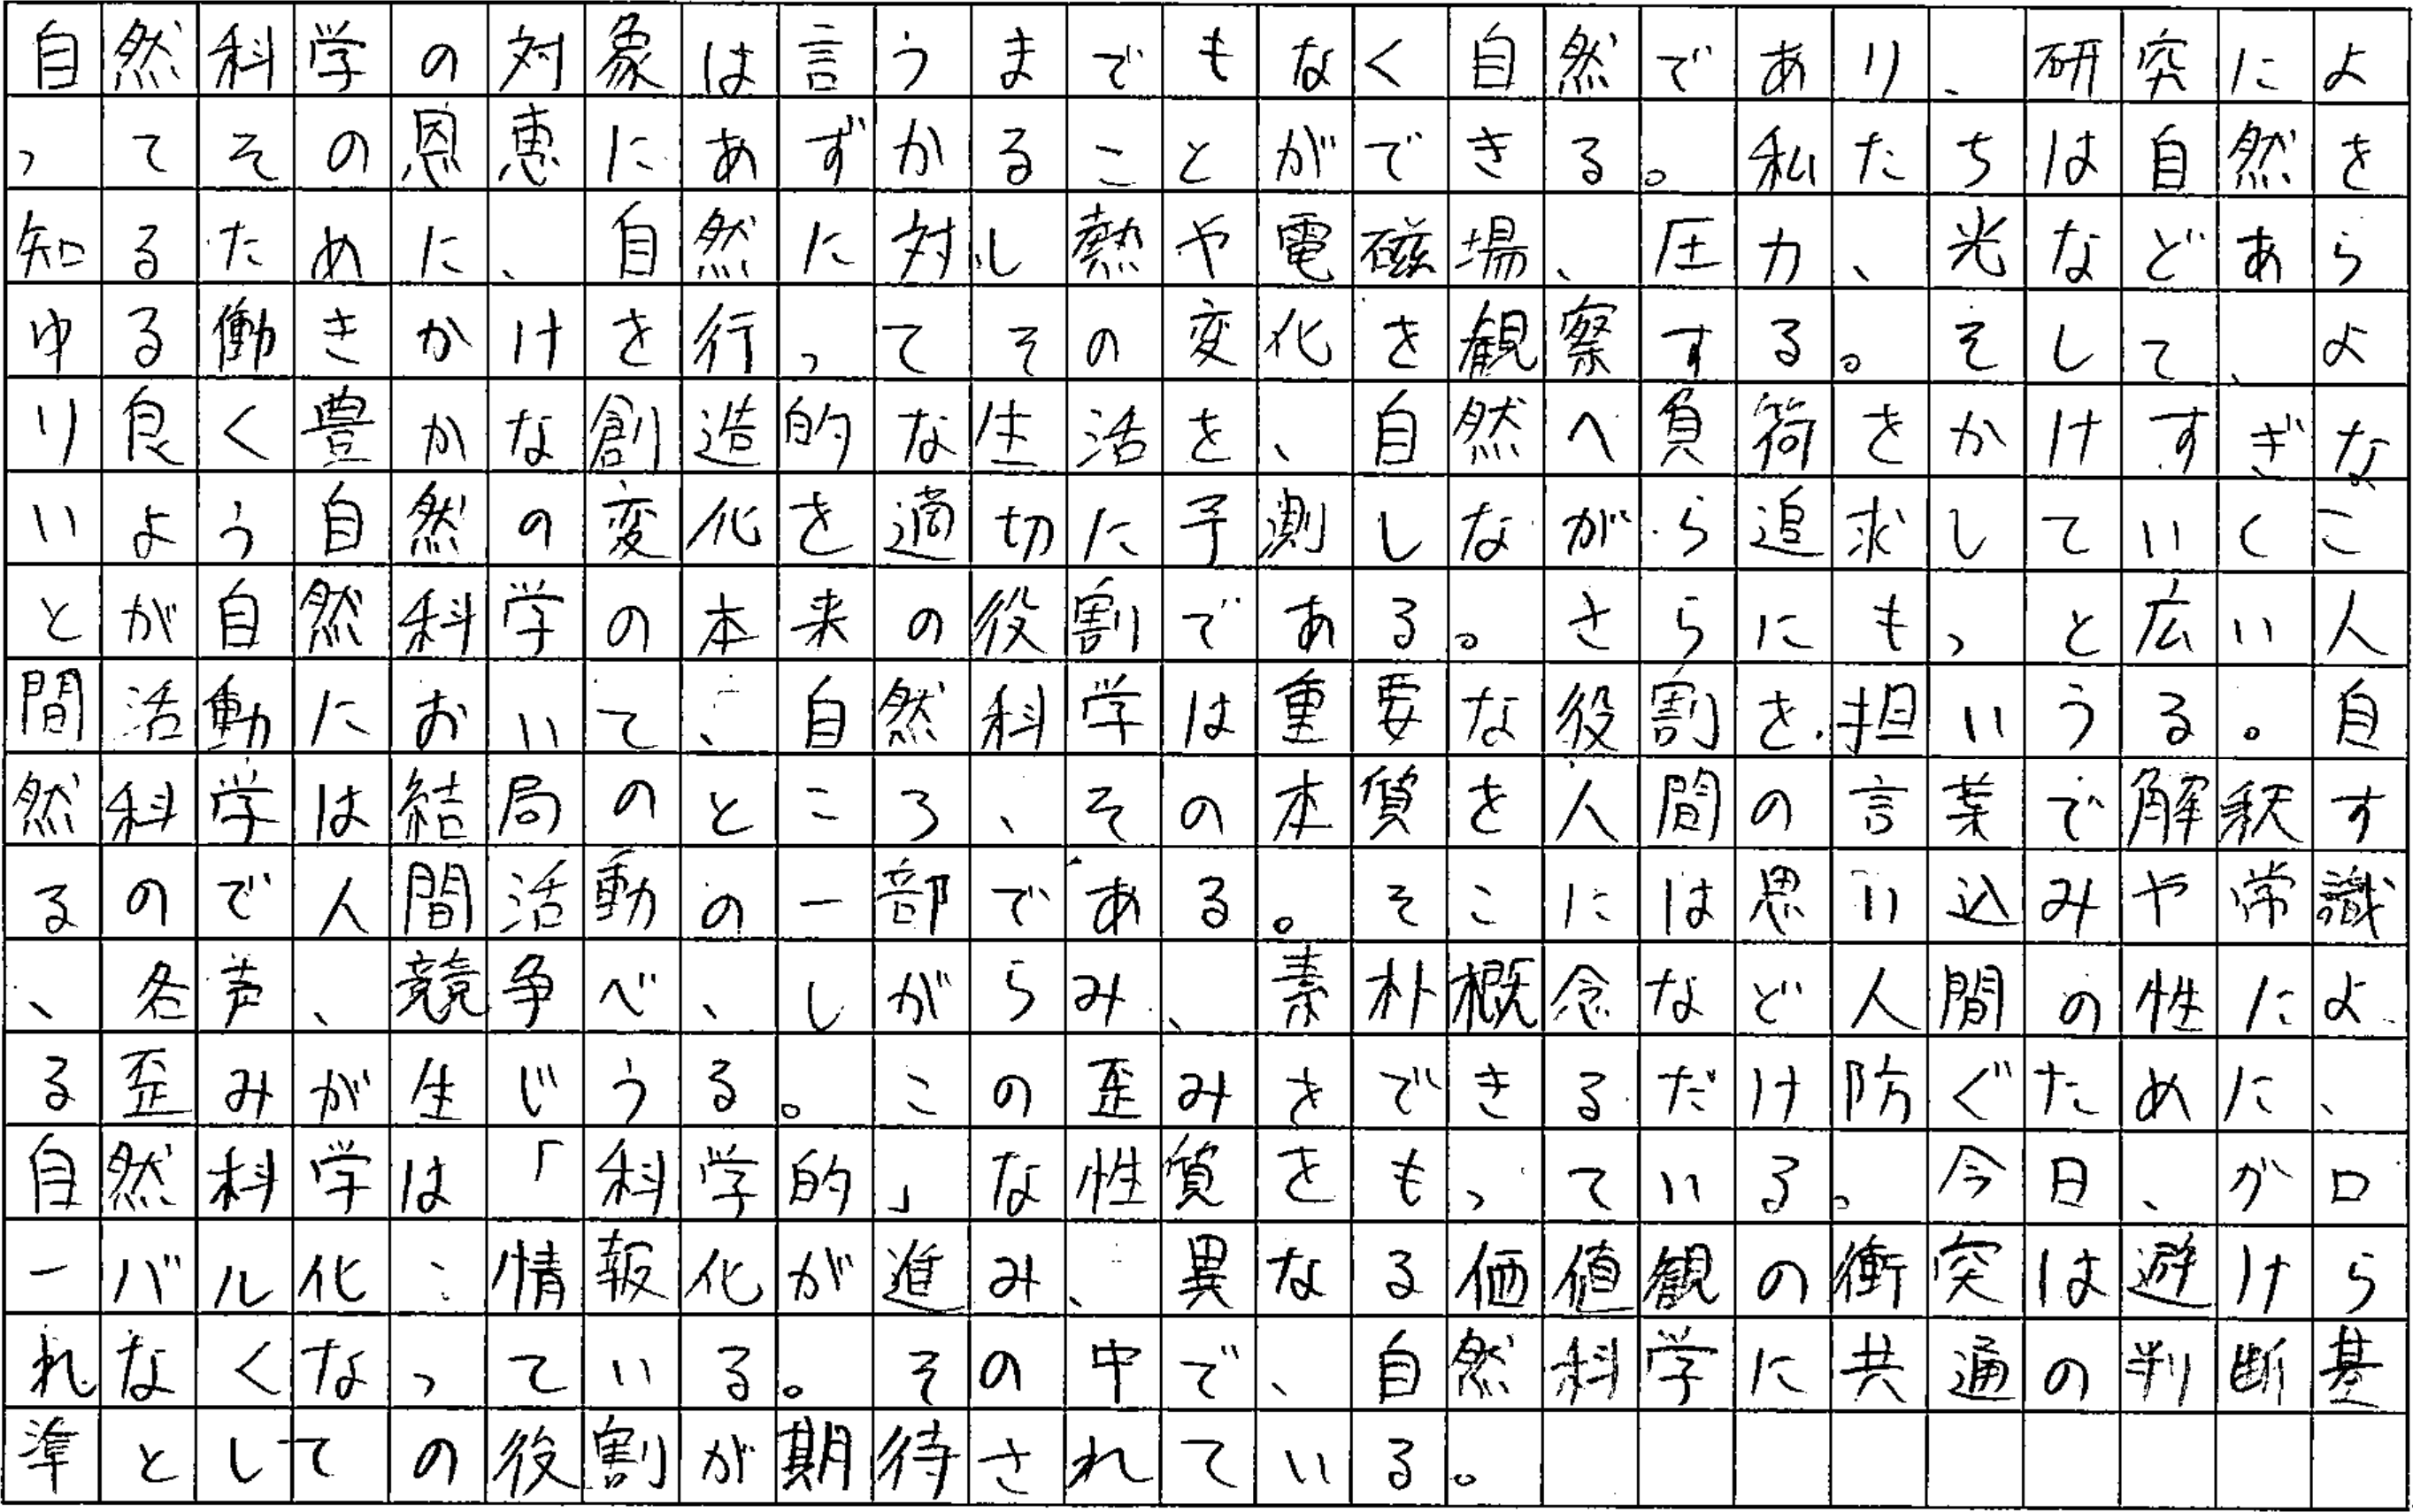自然科学の対象は言うまでもなく自然であり、研究によってその恩恵にあずかることができる。私たちは自然を知るために、自然に対し熱や電磁場、圧力、光などあらゆる働きかけを行ってその変化を観察する。そして、より良く豊かな創造的な生活を、自然へ負▁をかけすぎないよう自然の変化を適切に予測しながら追求していくことが自然科学の本来の役割である。さらにもっと広い人間活動おいて、自然科学は重要な役割を担いうる。自然科学は結局のところ、その本質を人間の言葉で解釈するので人間活動の一部である。そこには思い込みや常識、各声、競争心、しがらみ、素朴概念など人間の性による歪みが生じうる。この歪みをできるだけ防ぐために、自然科学は「科学的」な性質をもっている。今日、グローバル化・情報化が進み、異なる価値観の衝突は避けられなくなっている。その中で、自然科学に共通の判断基準としての役割が期待されている。
